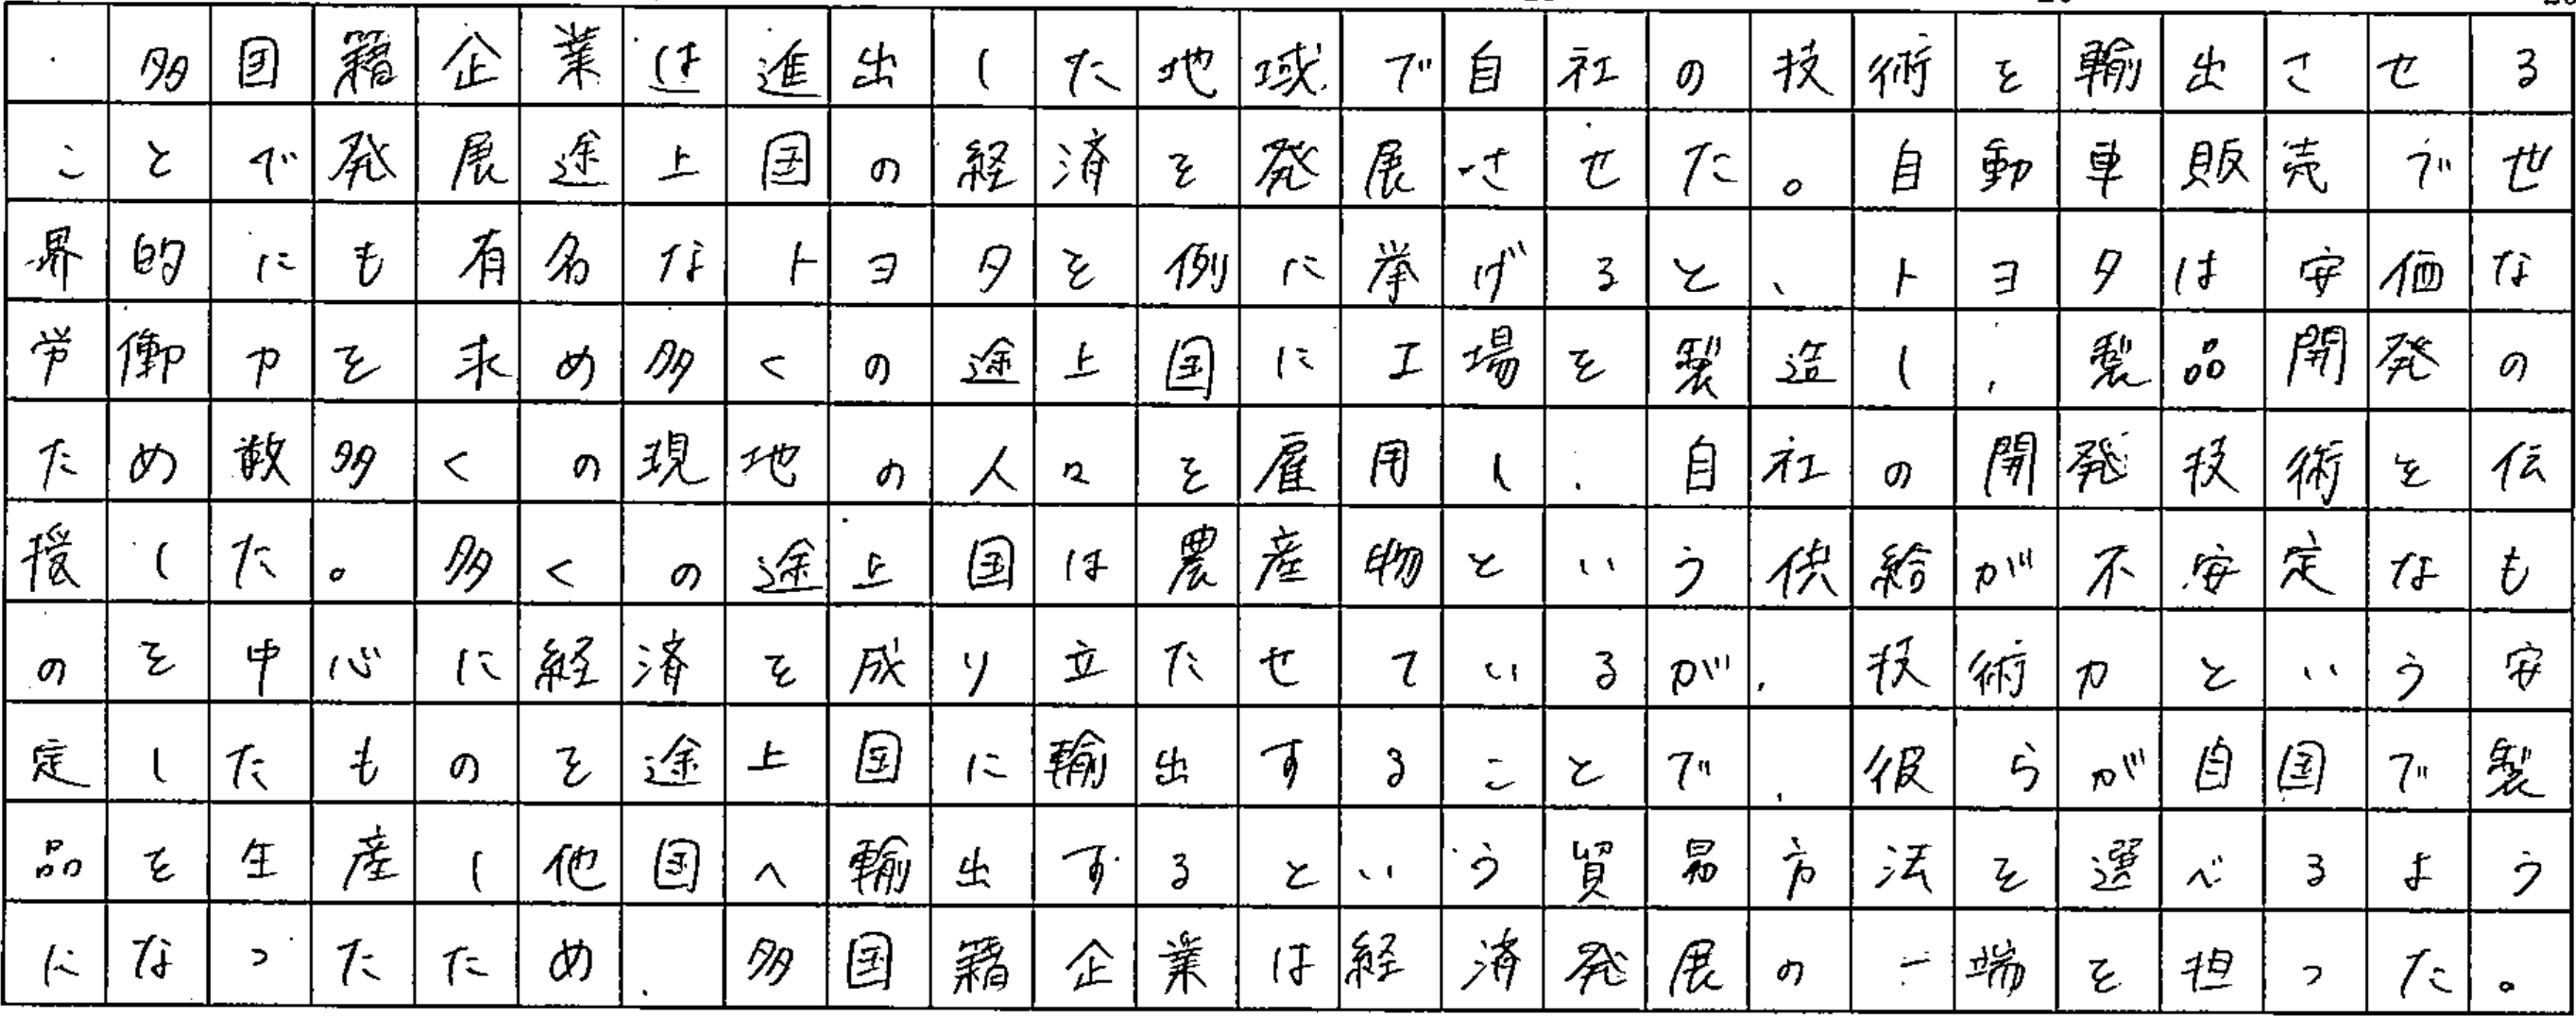　多国籍企業は進出した地域で自社の技術を輸出させることで発展途上国の経済を発展させた。自動車販売で世界的にも有名なトヨタを例に挙げると、トヨタは安価な労働力を求め多くの途上国に工場を製造し、製品開発のため数多くの現地の人々を雇用し、自社の開発技術を伝授した。多くの途上国は農産物という供給が不安定なものを中心に経済を成り立たせているが、技術力という安定したものを途上国に輸出することで、彼らが自国で製品を生産し他国へ輸出するという貿易方法を選べるようになったため、多国籍企業は経済発展の一端を担った。
